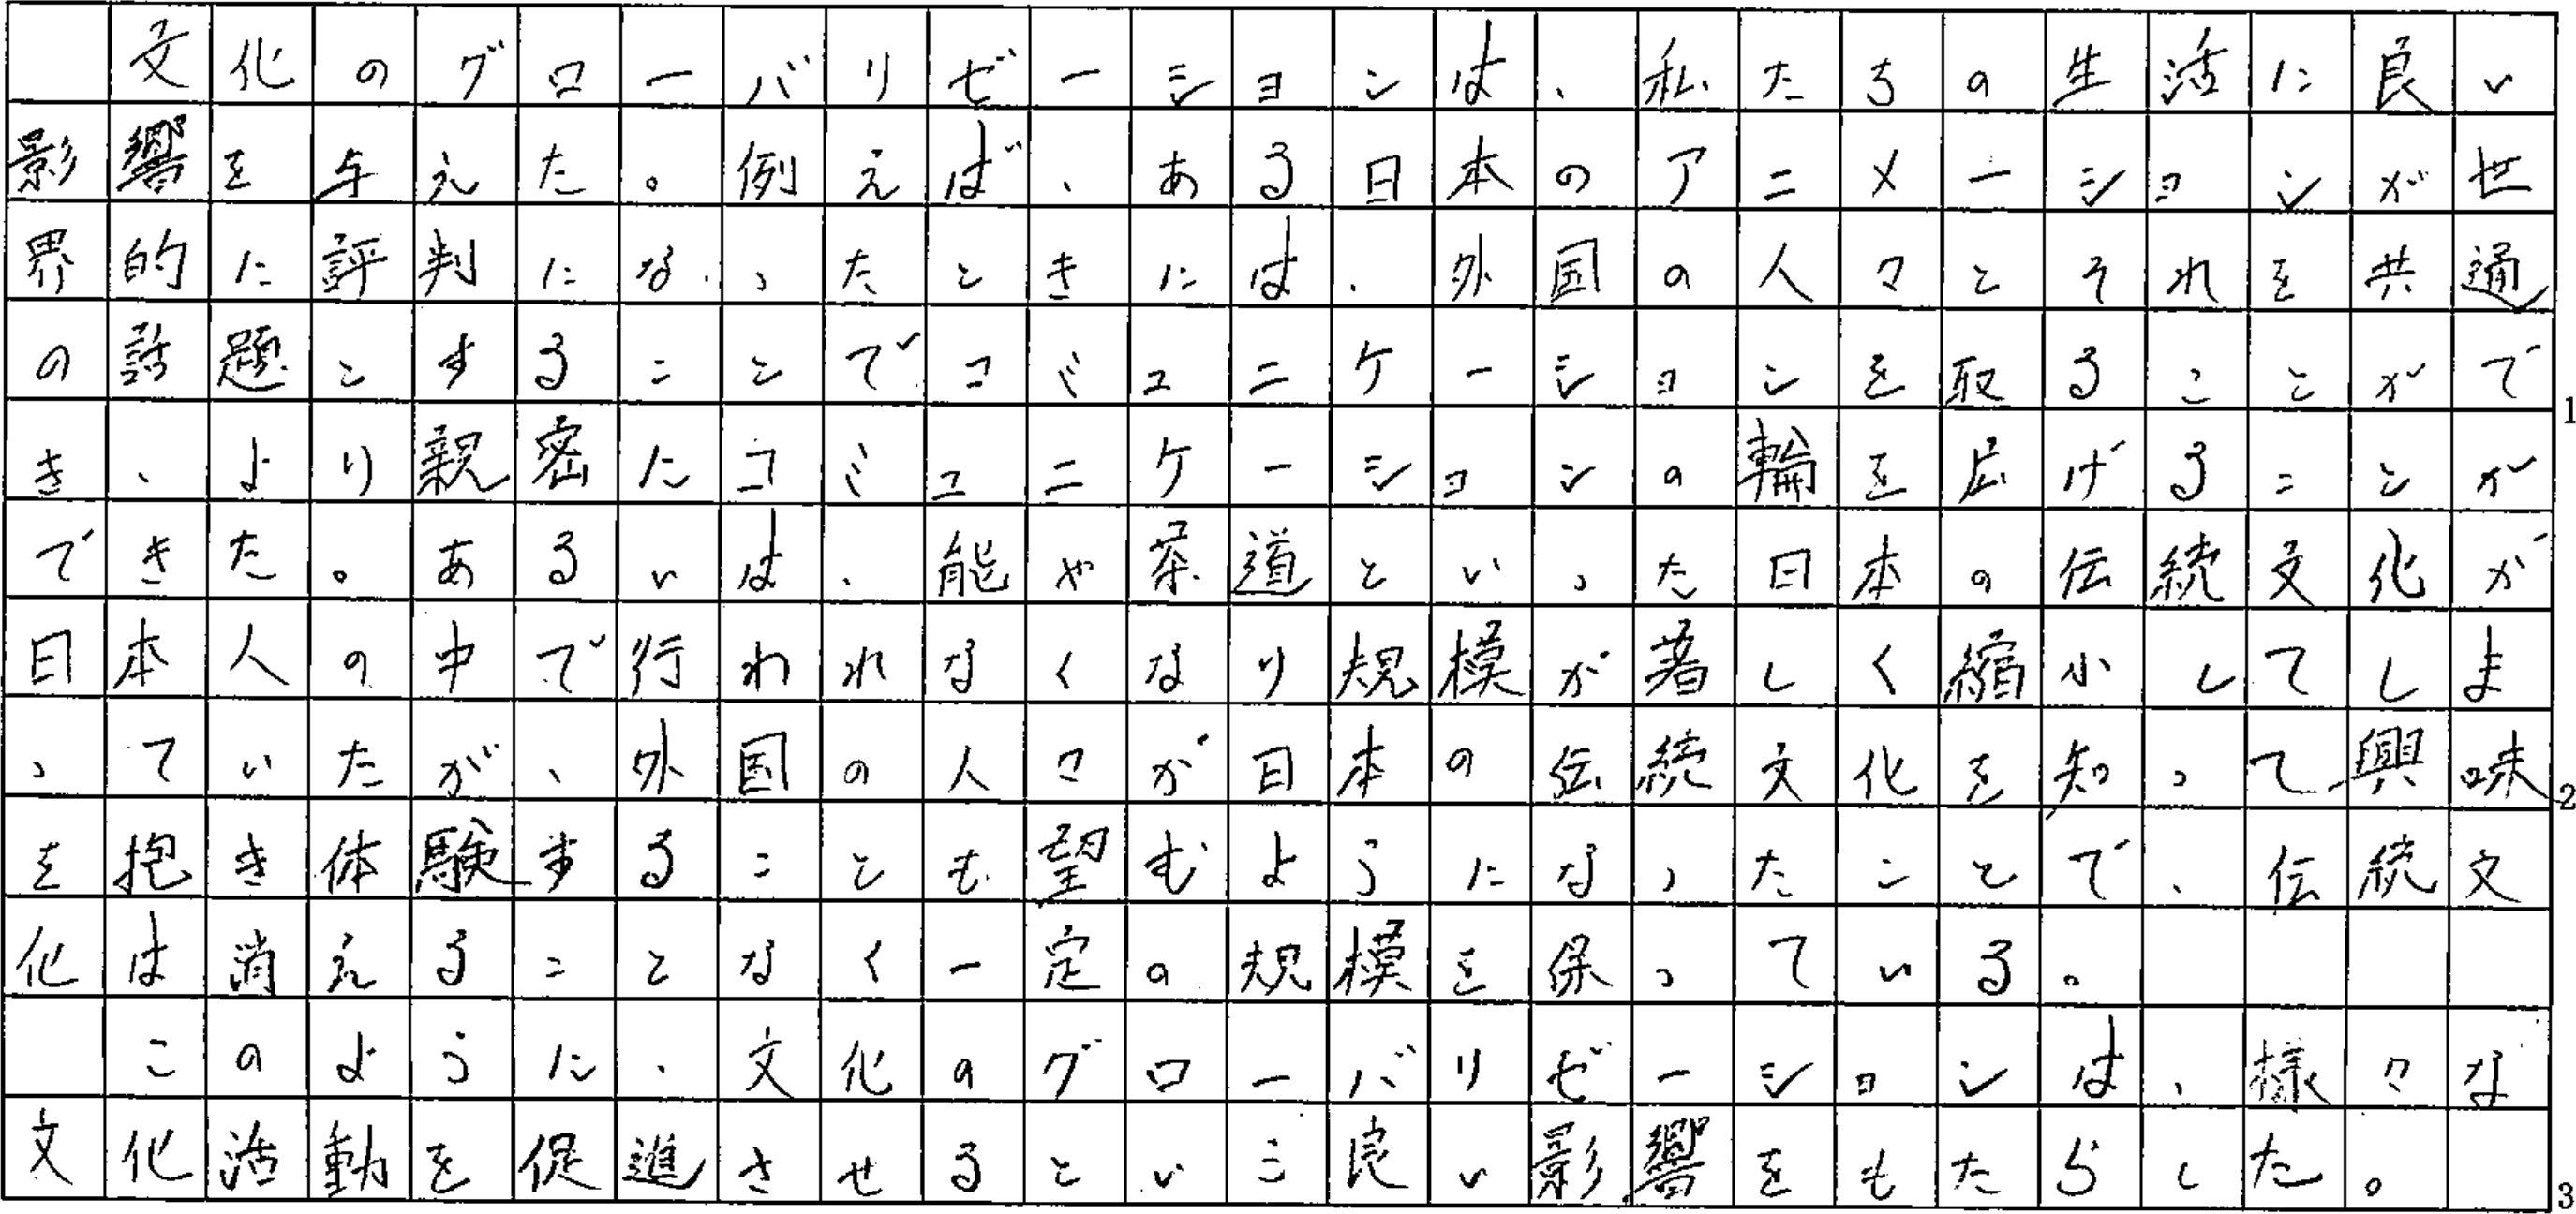　文化のグローバリゼーションは、私たちの生活に良い影響を与えた。例えば、ある日本のアニメーションが世界的に評判になったときには、外国の人々とそれを共通の話題にすることでコミュニケーションを取ることができ、より親密にコミュニケーションの輪を広げることができた。あるいは、能や茶道といった日本の伝統文化が日本人の中で行われなくなり規模が著しく縮小してしまっていたが、外国の人々が日本の伝統文化を知って興味を抱き体験することを望むようになったことで、伝統文化は消えることなく一定の規模を保っている。
　このように、文化のグローバリゼーションは、様々な文化活動を促進させるという良い影響をもたらした。
